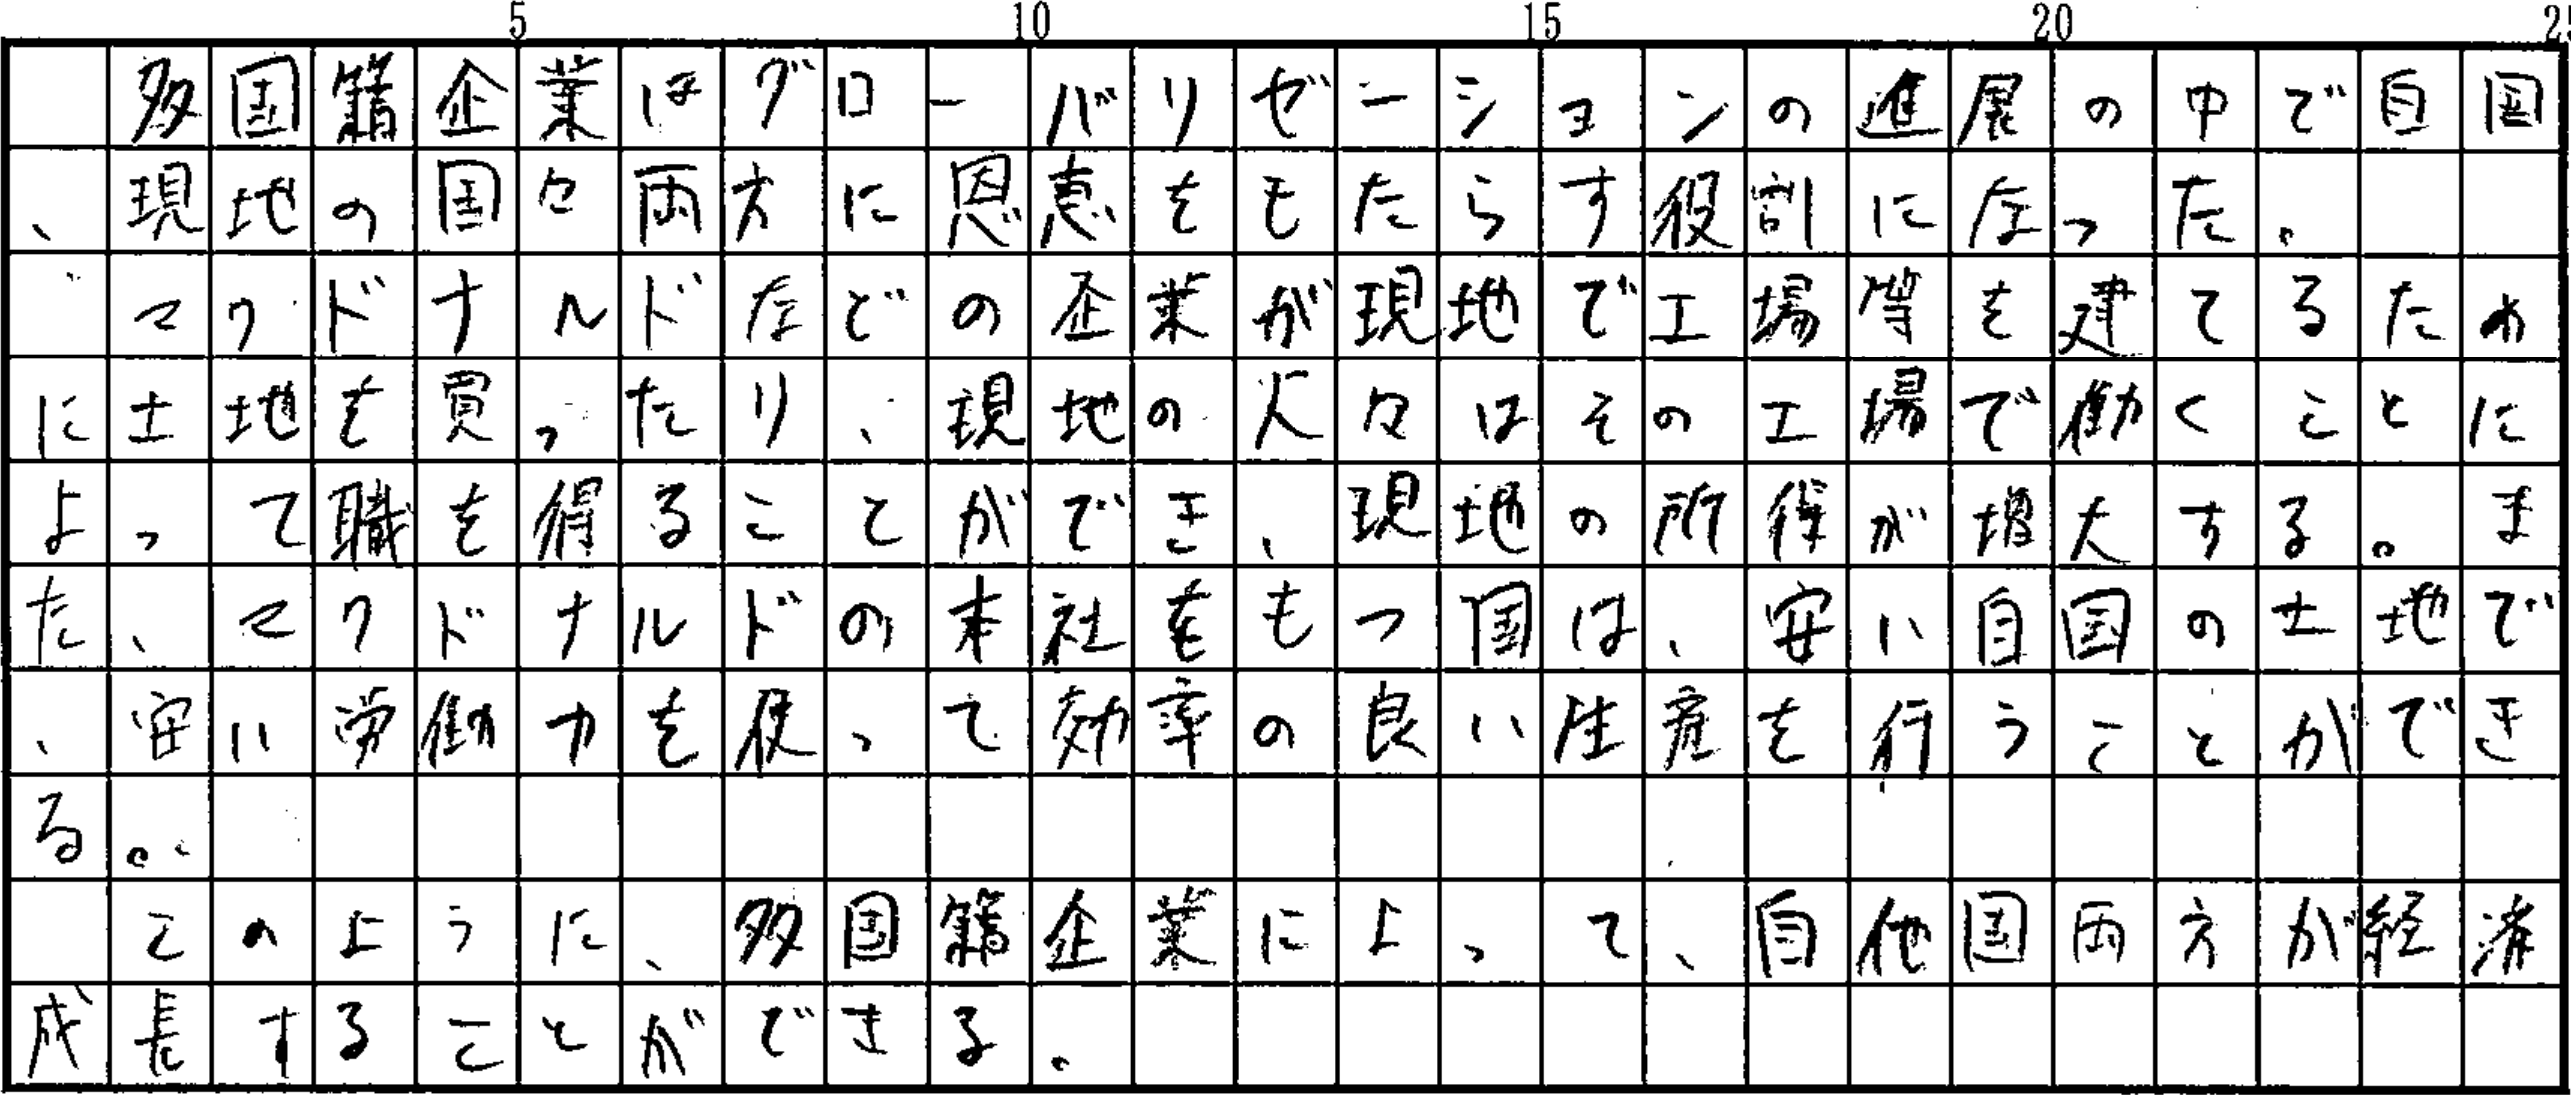　多国籍企業はグローバリゼーションの進展の中で自国、現地の国々両方に恩恵をもたらす役割になった。
　マクドナルドなどの企業が現地で工場等を建てるために土地を買ったり、現地の人々はその工場で働くことによって職を得ることができ、現地の所得が増大する。また、マクドナルドの本社をもつ国は、安い自国の土地で、安い労働力を使って効率の良い生産を行うことができる。
　このように、多国籍企業によって、自他国両方が経済成長することができる。
